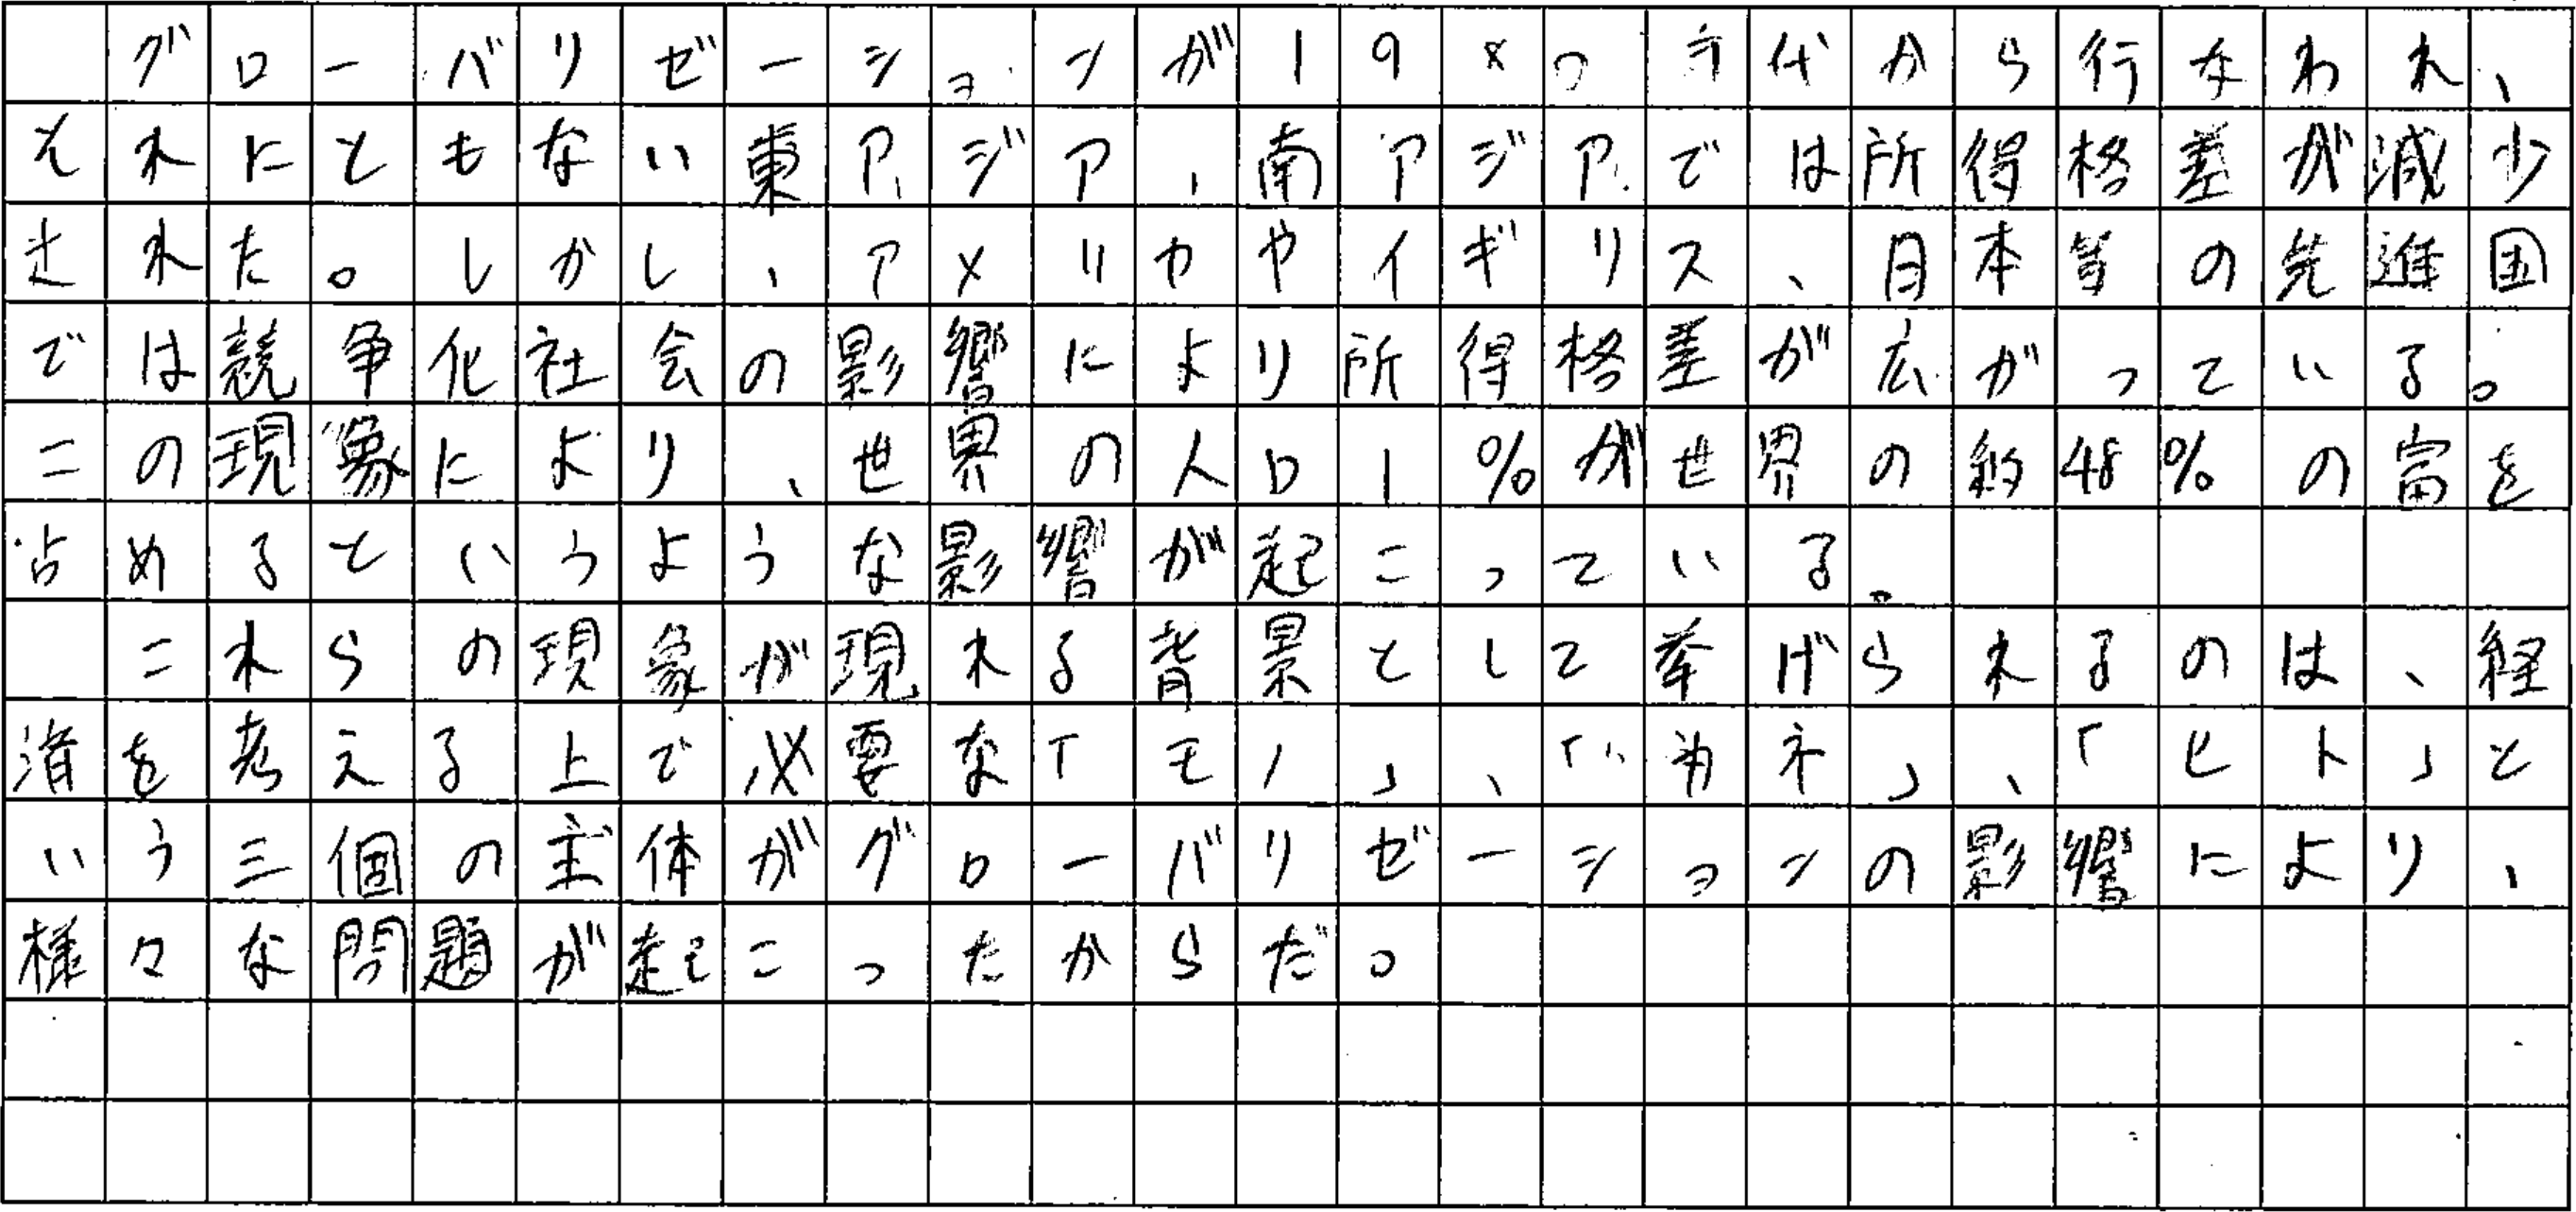　グローバリゼーションが１９８０年代から行なわれ、それにともない東アジア、南アジアでは所得格差が減少された。しかし、アメリカやイギリス、日本等の先進国では競争化社会の影響により所得格差が広がっている。この現象により、世界の人口１％が世界の約48％の富を占めるというような影響が起こっている。
　これらの現象が現れる背景として挙げられるのは、経済を考える上で必要な「モノ」、「カネ」、「ヒト」、という三個の主体がグローバリゼーションの影響により、様々な問題が起こったからだ。
